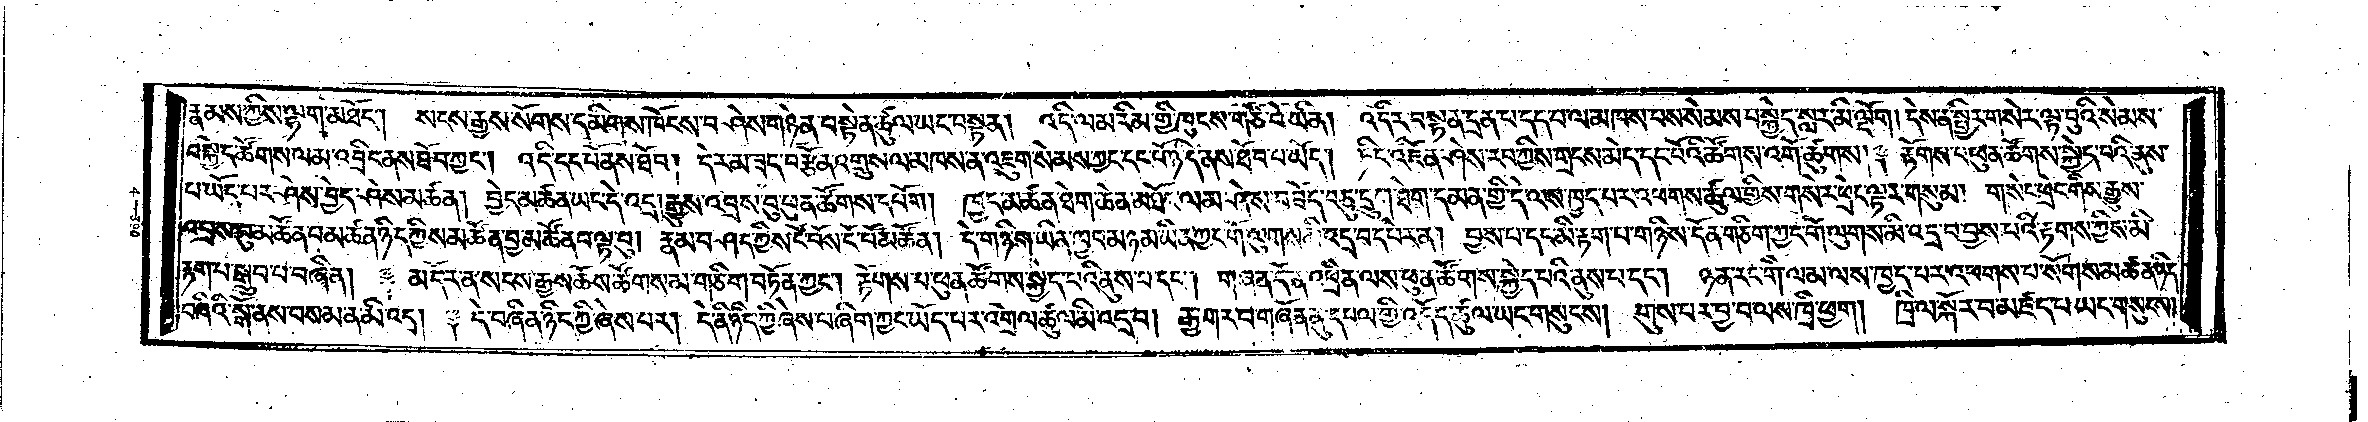རྣམས་ཀྱིས་ལྷག་མཐོང་། སངས་རྒྱས་སོགས་དམིགས་ཁོངས་བཤེས་གཉེན་བསྟེན་ཚུལ་ཡང་བསྟན། འདི་ལམ་རིམ་གྱི་ཁུངས་གཙོ་བོ་ཡིན། འདིར་བསྟན་དྲན་པ་དད་པ་ལ་མཁས་པས་སེམས་བསྐྱེད་སླར་མི་ལྡོག །དེས་ན་སྤྱིར་གསེར་ལྟ་བུའི་སེམས་
བསྐྱེད་ཚོགས་ལམ་འབྲིང་ནས་ཐོབ་ཀྱང་། འདི་དང་པོ་ནས་ཐོབ། དེར་མ་ཟད་བརྩོན་འགྲུས་ལ་མཁས་ན་འཇུག་སེམས་ཀྱང་དང་པོ་ཉིད་ནས་ཐོབ་པ་ཡོད། ཏིང་འཛིན་ཤེས་རབ་ཀྱིས་གྲངས་མེད་དང་པོའི་ཚོགས་འགོ་ཚུགས། ༈ རྟོགས་པ་ཕུན་ཚོགས་སྐྱེད་པའི་ནུས་
པ་ཡོད་པར་ཤེས་བྱེད་ཤེས་མཚན། བྱེད་མཚན་ཡང་དེ་འདྲ། རྒྱུས་འབྲས་བུ་ཕུན་ཚོགས་དཔོག །ཁྱད་མཚན་ཐེག་ཆེན་མཐོང་ལམ་ཤེས་བཟོད་བཅུ་དྲུག་ཐེག་དམན་གྱི་དེ་ལས་ཁྱད་པར་འཕགས་ཚུལ་གྱིས་གསེར་ཕྲེང་ལྟར་གསུམ། གསེང་ཕྲེང་གིས་རྒྱུས་
འབྲས་བུ་མཚོན་པ་མཚན་ཉིད་ཀྱིས་མཚོན་བྱ་མཚོན་བ་ལྟ་བུ། རྣམ་བཤད་ཀྱིས་ངོ་བོས་ངོ་བོ་མཚོན། དེ་གཉིས་ཡིན་ཁྱབ་མཉམ་ཡིན་ཀྱང་གོ་ལུགས་མི་འདྲ་བ་དཔེར་ན། བྱས་པ་དང་མི་རྟག་པ་གཉིས་དོན་གཅིག་ཀྱང་གོ་ལུགས་མི་འདྲ་བ་བྱས་པའི་རྟགས་ཀྱིས་མི་
རྟག་པ་སྒྲུབ་པ་བཞིན། ༈ མདོར་ན་སངས་རྒྱས་ཆོས་ཚོགས་མ་གཅིག་བཏོན་ཀྱང་། རྟོགས་པ་ཕུན་ཚོགས་སྐྱེད་པའི་ནུས་བ་དང་། གཞན་དོན་འཕྲིན་ལས་ཕུན་ཚོགས་སྐྱེད་པའི་ནུས་པ་དང་། ཉན་རང་གཻ་ལམ་ལས་ཁྱད་པར་འཕགས་པ་སོགས་མཚན་ཉིད་
བཞིའི་སྒོ་ནས་བསམ་ན་མི་འདྲ། ༈ དེ་བཞིན་ཉིད་ཀྱི་ཞེས་པར། དེ་ནི་ཉིད་ཀྱི་ཞེས་པ་ཞིག་ཀྱང་ཡོད་པར་འགྲེལ་ཚུལ་མི་འདྲ་བ། རྒྱ་གར་བ་གཞོན་ནུ་དཔལ་གྱི་འདོད་ཚུལ་ཡང་གསུངས། གུས་པར་བྱ་བ་ལས་ཁྲི་ཕྱག །ཁྲི་ལ་སྐོར་བ་མཛད་པ་ཡང་གསུངས།